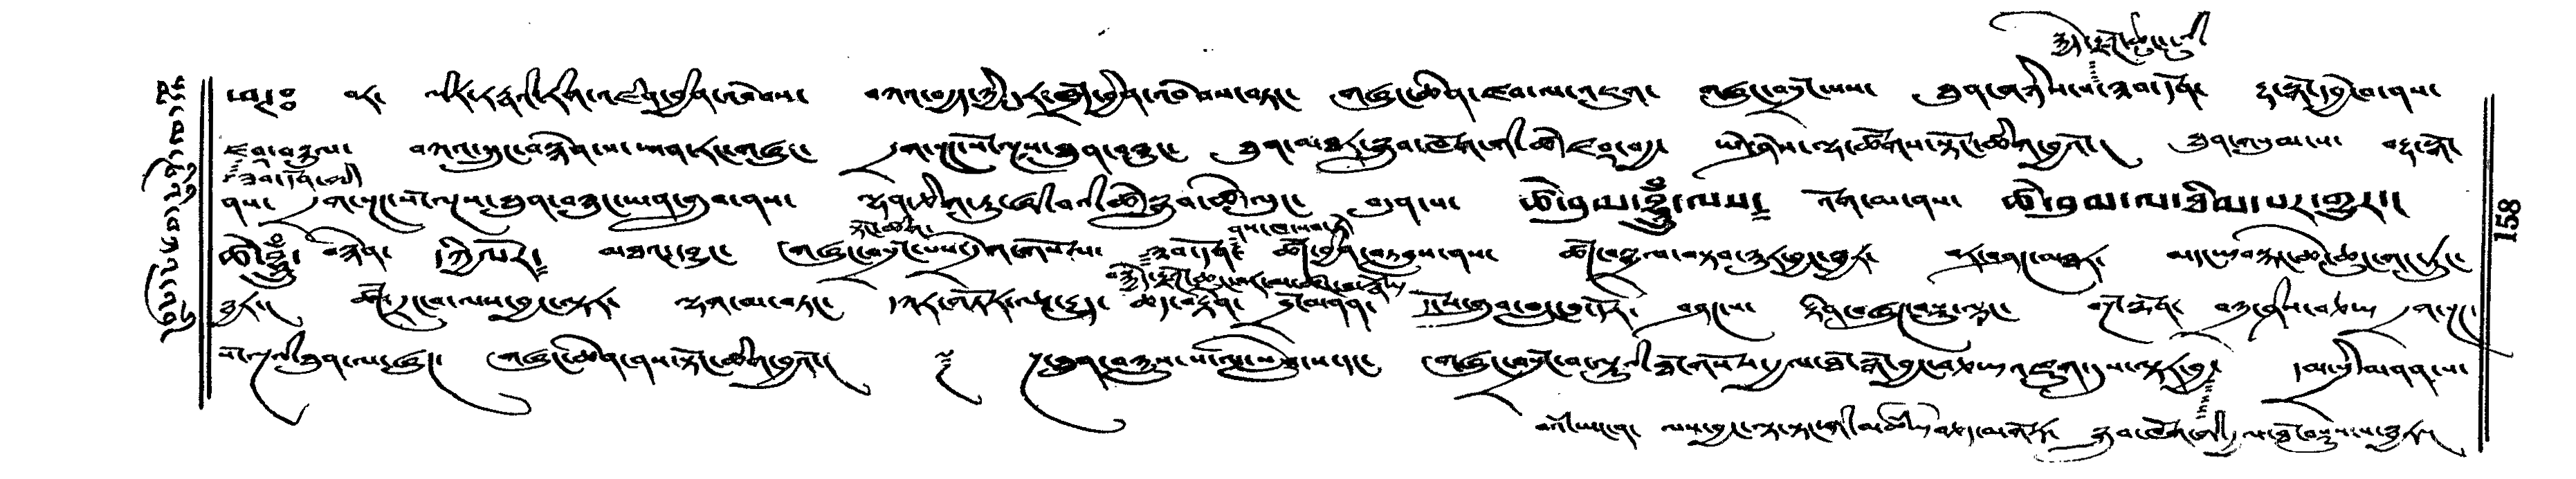ཕཊ༔ བར། འདིར་རཏྣའི་རིག་འཛིན་བྱིན་འབེབས། བཀའ་བརྒྱད་ཀྱི་དུར་ཁྲོད་བྱིན་འབེབས་བཏང་། གཞུང་ཆེན་ཛབ་ལ་འཇུག གཞུང་བསྲོ་པས། ཐུན་གཉིས་པ་ཟབ་དོན། རྡ་སྒོ་དབྱེ་བ་ནས་
ཛབ་བསྐུལ། བཀའ་སྲུང་བསྙེན་པ་ཡན་རང་གཞུང་། དྲག་སྔགས་སོ་ལྔས་ཐུན་གཟུང་། ཐུན་མཐར་སྒྲུབ་ཁོག་གི་ཚེ་ཛབ་བརྒྱ། ཡེ་ཤེས་ལྷ་ཚོགས༴ སྟོང་ཚིག་བྱ། ཐུན་གསུམ་པ། བརྡ་སྒོ་
ནས། དྲག་སྔགས་སོ་ལྔས་ཐུན་གཟུང་ཡན་གྲུབ་ནས།ལྷན་གཅིག་ཏུ་ཞི་བའི་ཚེ་སྒྲུབ་ཚེ་ལུང་། བདུན་པ། ཚེ་བུམ་བྷྲུྃ་ལས༴ འོག་མ་ནས། ཚེ་བུམ་ལ་ཐིམ་པར་གྱུར༔ 
ཚེ་བྷྲུྃ༴ བསྙེན། དཀྱིལ་འཁོར༴ མཐའ་དབྱུང་། གཞུང་སྲོང་པས་དྲེགས་གསོལ། བསྐྱེད་རྫོགས་ཆུང་བར་མ་ཚང་བ་རྣམས་ཟབ་དོན་ནས་ཁ་བསབས་ཏེ། ཚོགས་བྱིན་རླབས་ནས། ཚོགས་བསྒྲལ་བསྟབ་ཟུར་བྱང་སྦྱར། བར་བཤགས་མཐར། གདངས་བསྐང་ཆེ་ཆུང་གང་རུང་
སྦྱར། ཚོགས་དྲང་བ་ལས་བྱང་ལྟར། ལྷག་མ་བཏང་། དཀར་གཏོར་རྩ་རྒྱུད། ཆད་བརྟན། བྲོ་མནན། དངོས་གྲུབ་བླང་བ་དོར། བཤགས་པ། བརྟན་བཞུགས་བསྡུ་ལྡང་། བསྔོ་སྨོན། བཀྲ་ཤིས་བཅས། དྲག་སྔགས་
སོ་ལྔའི་ཐུན་ལ་ཞུགས། གཞུང་ཆེན་ནས་སྟོང་ཚིག་བྱའོ། སྔ་ཐུན་བཟླས་པ་ལ་སླེབ་པ་དང་། གཞུང་སྲོང་བ་ལྟ་བུས་ཐོ་གསོས་རྒྱལ་ཐོ་སྒོ་བྱང་བཅས་འཛུགས་དུས་ལྟར་བྱ་བའམ་ཡང་ན། ལས་བྱང་ལྟ་སྟང་གི་མཚམས་བཅད་མགོར། སྒྲུབ་ཁོག་གི་རྒྱལ་ཐོ་བསྡུས་པ་སྦྱར། དམ་སྲི་མནན་པ་